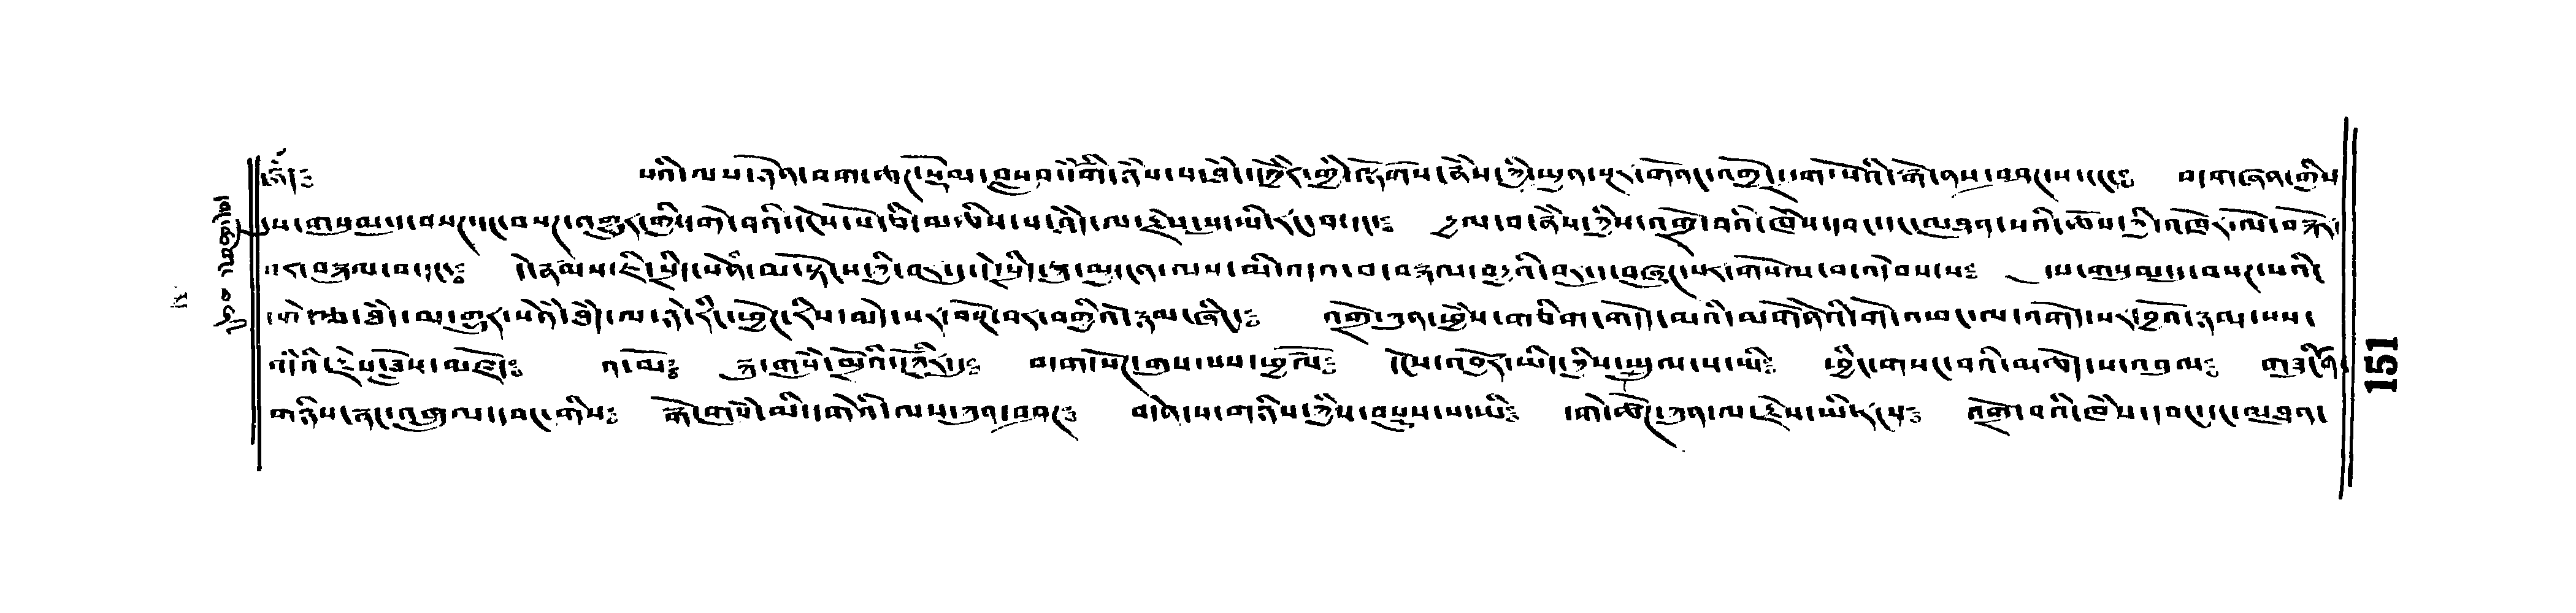པའི་ལས་ཉོན་བག་ཆགས་སྡོམ་བསླབ་དམ་ཚིག་ཉམས་པ་ཐམས་ཅད་དཀྱིལ་འཁོར་གྱི་ལྷ་ཚོགས་རྣམས་ཀྱི་སྤྱན་སྔར་གནོད་འགྱོད་དྲག་པོའི་སྒོ་ནས་བཤགས་པ་དང༔ བདག་གཞན་གྱིས་
དུས་གསུམ་དུ་བསགས་དང་བསག་འགྱུར་གྱི་དགེ་བའི་དངོས་པོ་ཅི་མཆིས་པ་ཐམས་ཅད་ལ་རྗེས་སུ་ཡི་རང་བ་དང༔ རྒྱལ་བ་རྣམས་ཀྱིས་འགྲོ་བའི་ཁམས་དབང་དང་མཐུན་པའི་ཆོས་ཀྱི་འཁོར་ལོ་བསྐོར་
བར་བསྐུལ་བ་དང༔ དེ་རྣམས་ཇི་སྲིད་སེམས་ཅན་མ་སྟོངས་ཀྱི་བར་དུ་དེ་སྲིད་སྐུ་མྱ་ངན་ལས་མི་འདའ་བ་བསྐལ་བརྒྱའི་བར་དུ་བཞུགས་པར་གསོལ་བ་འདེབས་པ༔ དུས་གསུམ་དུ་བསགས་པའི་
དགེ་རྩ་ཐམས་ཅད་མ་གྱུར་སེམས་ཅན་ཐམས་ཅད་ལ་ཉེ་རིང་ཕྱོགས་རིས་མེད་པར་བསྔོ་བར་བགྱིའོ་སྙམ་ཞིང༔ འགྲོ་ཀུན་ཕྱམས་གཅིག་གདོད་མའི་མགོན་པོའི་གོ་འཕང་ལ་འགོད་པར་བྱའོ་སྙམ་པས་
འདིའི་རྗེས་ཟློས་མཛོད༔ ན་མོ༔ སྐུ་གསུམ་མཁའ་འགྲོའི་དཀྱིལ་འཁོར་དུ༔ བདག་སོགས་གུས་པས་ཕྱག་འཚལ་ལོ༔ དངོས་འབྱོར་ཡིད་ཀྱིས་སྤྲུལ་པ་ཡི༔ ཕྱི་ནང་གསང་བའི་མཆོད་པ་འབུལ༔ གཟུང་འཛིན་
གཉིས་སྣང་འཁྲུལ་དབང་གིས༔ སྒོ་གསུམ་མི་དགེའི་ལས་ཀུན་བཤགས༔ བདེན་པ་གཉིས་ཀྱིས་་བསྡུས་པ་ཡི༔ དགེ་ཚོགས་ཀུན་ལ་རྗེས་ཡི་རངས༔ འགྲོ་བའི་ཁམས་དབང་དང་མཐུན་